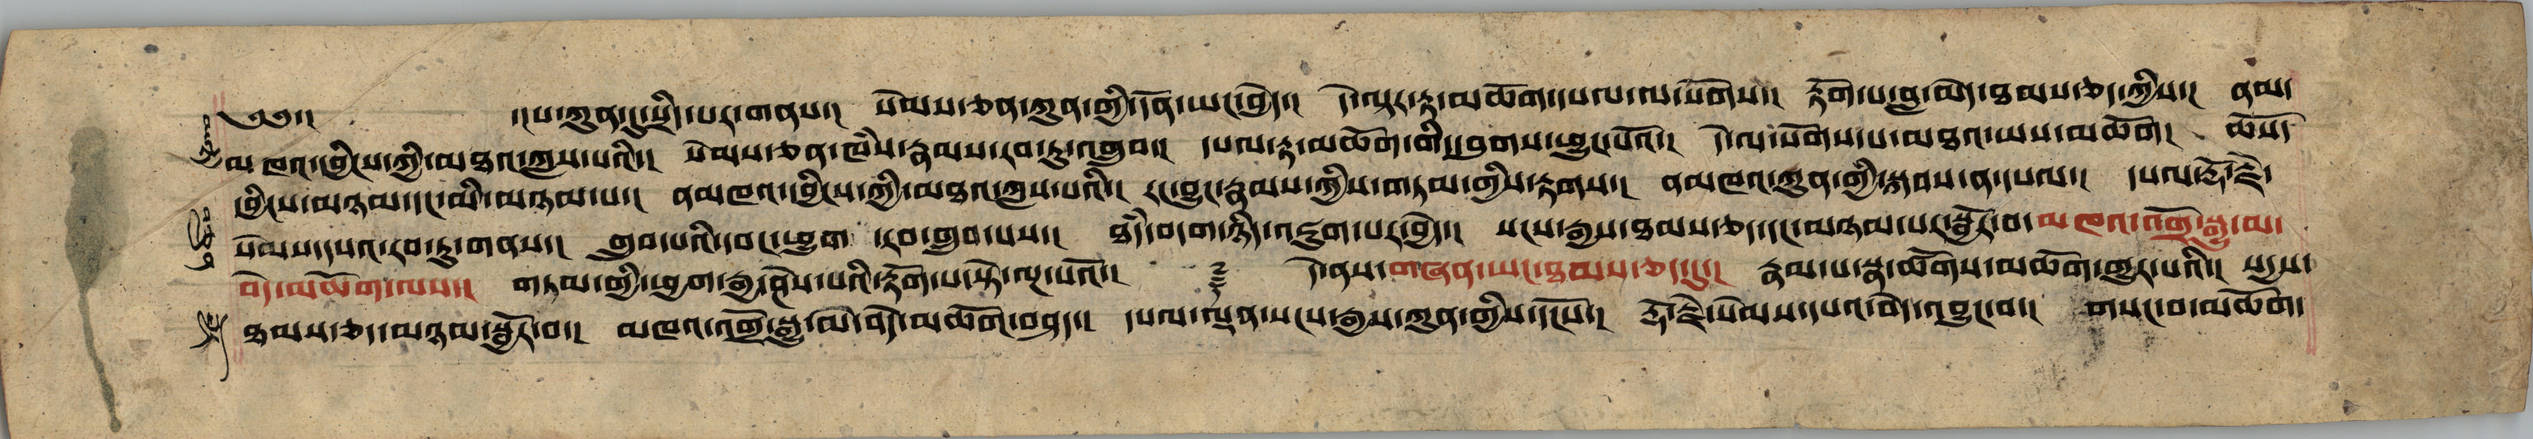༄༅་། ་།པ་ཀུན་དུ་སྲིད་པར་གནས་། སེམས་ཅན་ཀུན་གྱི་དོན་ཡང་བྱེད་། དེ་ལྟར་རྟ་མཆོག་དཔལ་ལ་སོགས་། རྟོག་པ་བླ་མེད་ཐམས་ཅད་ཀྱིས་། ནམ་
མཁའ་དབྱིངས་ཀྱི་མཐའ་ཀླས་པའི་། སེམས་ཅན་ཁཾས་རྣམས་རབ་ཏུ་འགྲུབ་། དཔལ་རྟ་མཆོག་གི་དབུགས་ཕྱུང་པའོ་། དེ་ལ་སོགས་པ་མཐའ་ཡས་མཆོག། ཆོས་
དབྱིངས་མཉམ་དང་མི་མཉམ་པ་། ནམཁའ་དབྱིངས་ཀྱི་མཐའ་ཀླས་པའི་། རང་བྱུང་རྣམས་ཀྱིས་གཏམ་གྱིས་རྟགས་། ནམཁའ་ཀུན་གྱི་སྐབས་ན་དཔལ་། དཔལ་རྡོ་རྗེ་
སེམས་དཔའ་རབ་ཏུ་གནས་། གྲུབ་པའི་དབང་ཕྱུག ་རབ་གྲུབ་པས་། ཐཾད་བདག་ཉིད་འཇུག་པར་བྱེད་། སངས་རྒྱས་ཐམས་ཅད་དང་མཉམ་པར་སྦྱོར་བ་མཁའ་འགྲོ་སྒྱུ་མ་
བདེ་མཆོག་ལས་། གཏམ་གྱི་ཕྱག་རྒྱ་ཤེས་པའི་རྟོག་པ་སྟེ་ལྔ་པའོ་། ༈ དེ་ནས་གཞན་ཡང་ཐམས་ཅད་དུ་། རྣམ་པ་སྣ་ཚོགས་མཆོག་གྱུར་པའི་། སདྱས་
ཐམས་ཅད་མཉམ་སྦྱོར་བ་། མཁའ་འགྲོ་སྒྱུ་མ་བདེ་མཆོག་བཤད་། དཔལ་ལྡན་སངས་རྒྱས་ཀུན་གྱིས་དངོས་། རྡོ་རྗེ་སེམས་དཔའ་བདེ་འབྱུང་བ་། གསང་བ་མཆོག་